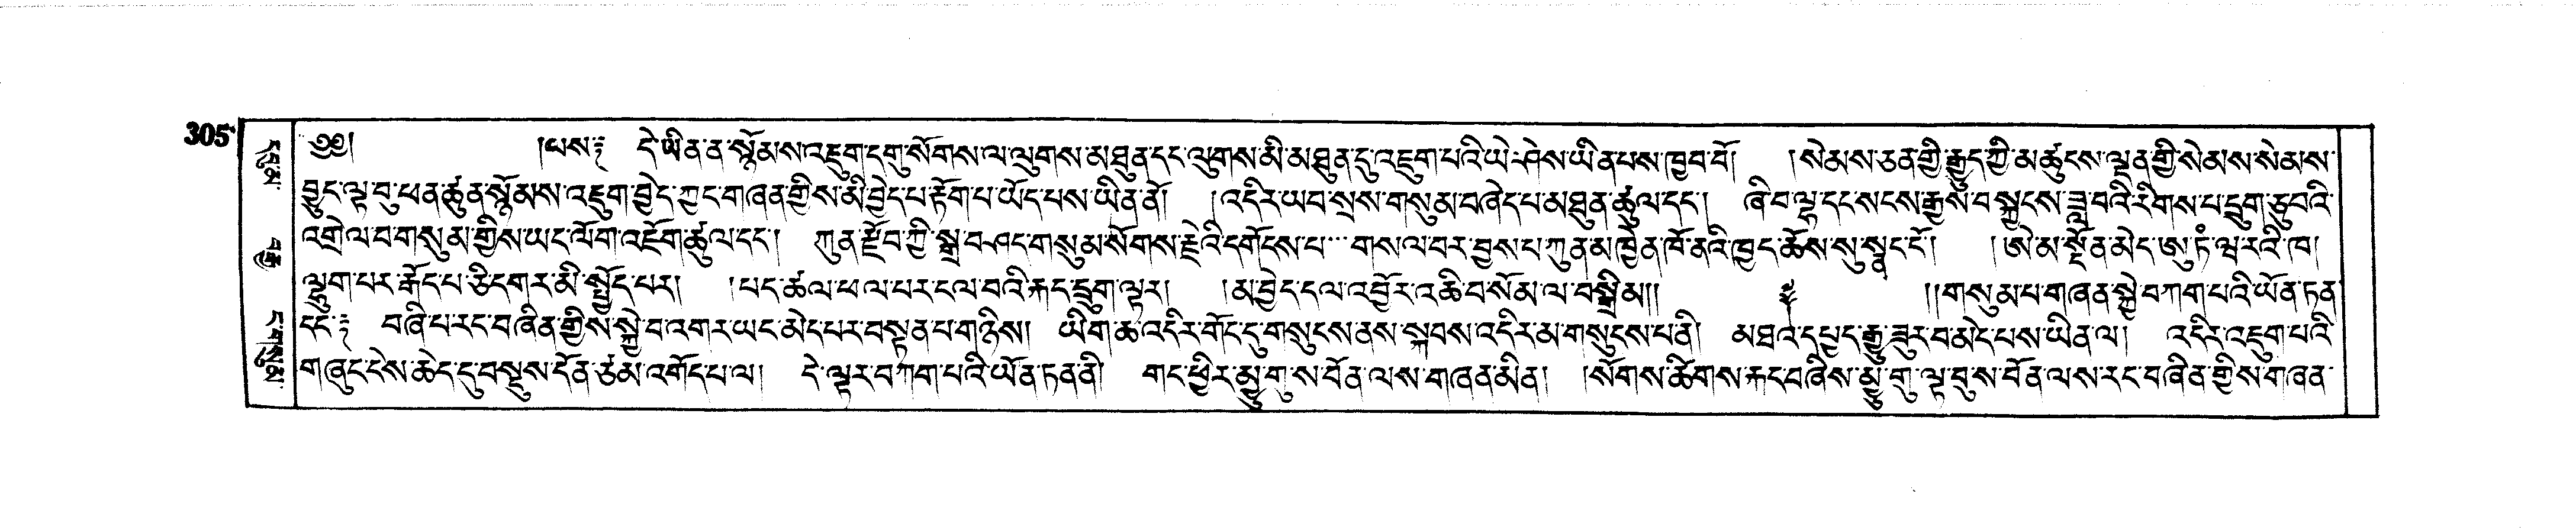༄༅། །པས། དེ་ཡིན་ན་སྙོམས་འཇུག་དགུ་སོགས་ལ་ལུགས་མཐུན་དང་ལུགས་མི་མཐུན་དུ་འཇུག་པའི་ཡེ་ཤེས་ཡིན་པས་ཁྱབ་བོ། །སེམས་ཅན་གྱི་རྒྱུད་ཀྱི་མཚུངས་ལྡན་གྱི་སེམས་སེམས་
བྱུང་ལྟ་བུ་ཕན་ཚུན་སྙོམས་འཇུག་བྱེད་ཀྱང་གཞན་གྱིས་མི་བྱེད་པ་རྟོག་པ་ཡོད་པས་ཡིན་ནོ། །འདིར་ཡབ་སྲས་གསུམ་བཞེད་པ་མཐུན་ཚུལ་དང་། ཞི་བ་ལྷ་དང་སངས་རྒྱས་བསྐྱངས་ཟླ་བའི་རིགས་པ་དྲུག་ཅུ་བའི་
འགྲེལ་བ་གསུམ་གྱིས་ཡང་ལོག་འཇོག་ཚུལ་དང་། ཀུན་རྫོབ་ཀྱི་སྒྲ་བཤད་གསུམ་སོགས་རྗེའི་དགོངས་པ་གསལ་བར་བྱས་པ་ཀུན་མཁྱེན་ཁོ་ནའི་ཁྱད་ཆོས་སུ་སྣང་ངོ། །ཨེ་མ་སྔོན་མེད་ཨུ་ཏཾ་ཝ་རའི་ཁ།
ལྷུག་པར་རྒོད་པ་ཅི་དགར་མི་སྤྱོད་པར། །པད་ཚལ་ཕལ་པར་ངལ་བའི་རྐང་དྲུག་ལྟར། །མ་བྱེད་དལ་འབྱོར་འཆི་བ་སོམ་ལ་བསྒྲིམ།། ༈ །གསུམ་པ་གཞན་སྐྱེ་བཀག་པའི་ཡོན་ཏན་
དང་། བཞི་པ་རང་བཞིན་གྱིས་སྐྱེ་བ་འགར་ཡང་མེད་པར་བསྟན་པ་གཉིས། ཡིག་ཆ་འདིར་གོང་དུ་གསུངས་ནས་སྐབས་འདིར་མ་གསུངས་པ་ནི། མཐའ་དཔྱད་རྒྱུ་ཟུར་བ་མེད་པས་ཡིན་ལ། འདིར་འཇུག་པའི་
གཞུང་ངེས་ཆེད་དུ་བསྡུས་དོན་ཙམ་འགོད་པ་ལ། དེ་ལྟར་བཀག་པའི་ཡོན་ཏན་ནི། གང་ཕྱིར་མྱུ་གུ་ས་བོན་ལས་གཞན་མིན། །སོགས་ཚིགས་རྐང་བཞིས་མྱུ་གུ་ལྟ་བུ་ས་བོན་ལས་རང་བཞིན་གྱིས་གཞན་